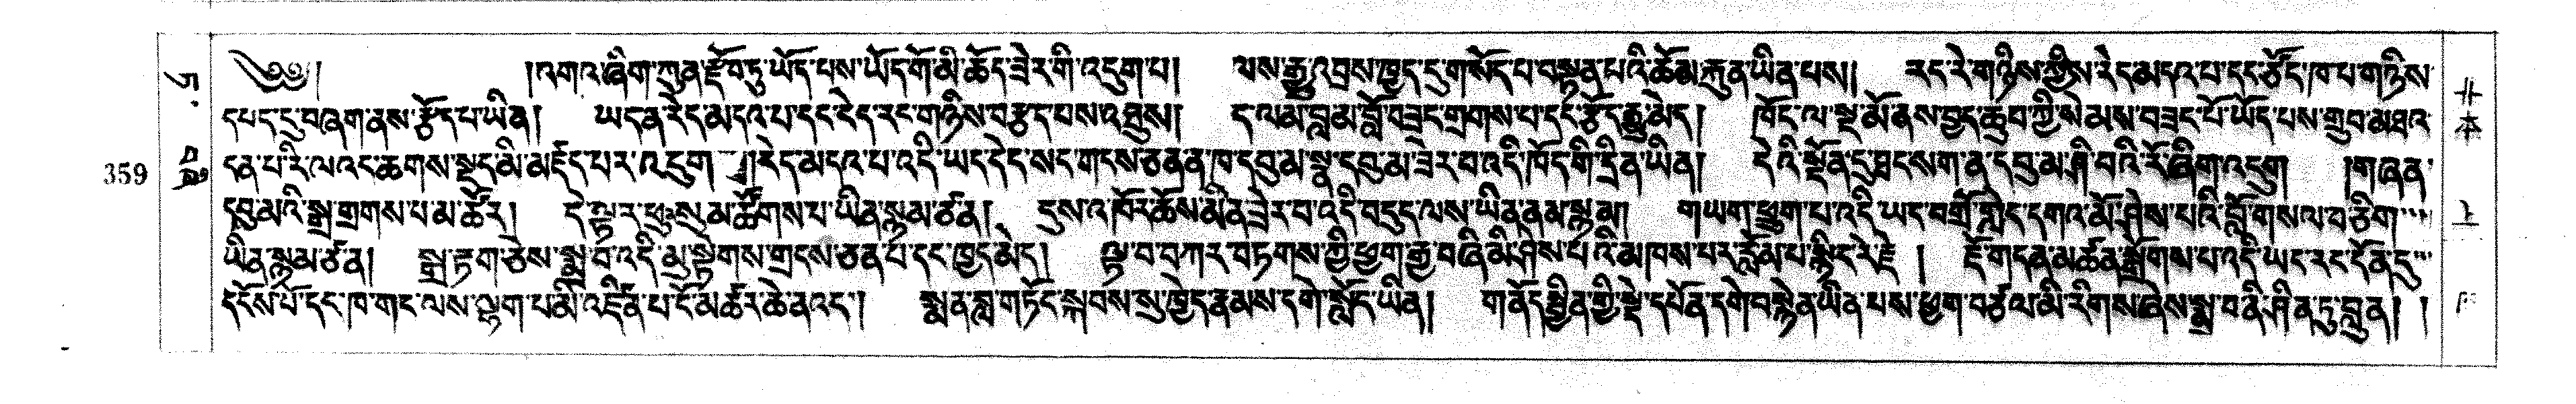༄༅། །འགའ་ཞིག་ཀུན་རྫོབ་ཏུ་ཡོད་པས་ཡོད་གོ་མི་ཆོད་ཟེར་གི་འདུག་པ། ལས་རྒྱུ་འབྲས་ཁྱད་དུ་གསོད་པ་བསྟན་པའི་ཆོམ་རྐུན་ཡིན་པས། རང་རེ་གཉིས་ཀྱིས་རེད་མདའ་པ་དང་ཙོང་ཁ་པ་གཉིས་
དཔད་དུ་བཞག་ནས་རྩོད་པ་ཡིན། ཡང་ན་རེད་མདའ་པ་དང་ངེད་རང་གཉིས་བརྩད་པས་འཐུས། ད་ལམ་བླ་མ་བློ་བཟང་གྲགས་པ་དང་རྩོད་རྒྱུ་མེད། ཁོང་ལ་སྔ་མོ་ནས་བྱང་ཆུབ་ཀྱི་སེམས་བཟང་པོ་ཡོད་པས་གྲུབ་མཐའ་
ངན་པ་རི་ལའང་ཆགས་སྡང་མི་མཛད་པ་འདུག་པ། རེད་མདའ་པ་འདི་ཡང་དེད་སང་གངས་ཅན་ན་ཁ་དབུ་མ་སྣ་དབུ་མ་ཟེར་བ་འདི་ཁོད་གི་དྲིན་ཡིན། དེའི་སྔོན་དུ་ཐང་ས་ག་ན་དབུ་མ་ཤི་བའི་རོ་ཞིག་འདུག །གཞན་
དབུ་མའི་སྒྲ་གྲགས་པ་མ་ཚོར། དེ་ལྟར་ཕུན་སུམ་ཚོགས་པ་ཡིན་སྙམ་ཙ་ན། དུས་འཁོར་ཆོས་མིན་ཟེར་བ་འདི་བདུད་ལས་ཡིན་ནམ་སྙམ། གཡག་ཕྲུག་པ་འདི་ཡང་བགྲོ་གླེང་དགའ་མོ་ཞེས་པའི་བློ་གསལ་བ་ཅིག་
ཡིན་སྙམ་ཙ་ན། སྒྲ་རྟག་ཅེས་སྨྲ་བ་འདི་མུ་སྟེགས་གྲངས་ཅན་པ་དང་ཁྱད་མེད། ལྟ་བ་བཀར་བཏགས་ཀྱི་ཕྱག་རྒྱ་བཞི་མི་ཤེས་པའི་མཁས་པར་རློམ་པ་སྙིང་རེ་རྗེ། ཇོ་གདན་མཚན་སྒྲོགས་པ་འདི་ཡང་རང་དོན་དུ་
དངོས་པོ་དང་ཁ་གང་ལས་ལྷག་པ་མི་འཛིན་པ་ངོ་མཚར་ཆེ་ནའང་། སྨན་བླ་གཏོང་སྐབས་སུ་ཁྱེད་རྣམས་དགེ་སློང་ཡིན། གནོད་སྦྱིན་གྱི་སྡེ་དཔོན་དགེ་བསྙེན་ཡིན་པས་ཕྱག་བཙལ་མི་རིགས་ཞེས་སྨྲ་བ་ནི་ཤིན་ཏུ་བླུན།།